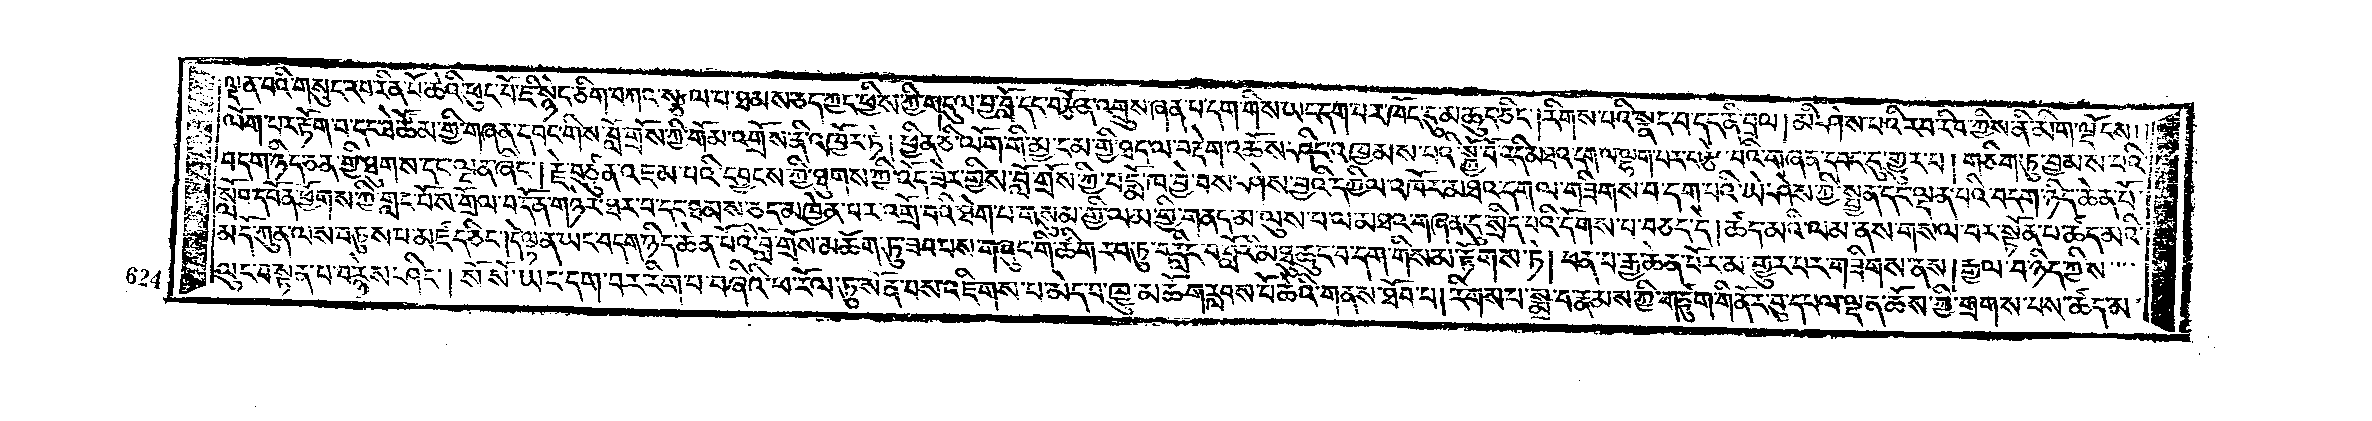ལྡན་པའི་གསུང་རབ་རིན་པོ་ཆེའི་ཕུང་པོ་ཇི་སྙེད་ཅིག་བཀའ་སྩལ་པ་ཐམས་ཅད་ཀྱང་ཕྱིས་ཀྱི་གདུལ་བྱ་བློ་དང་བརྩོན་འགྲུས་ཞན་པ་དག་གིས་ཡང་དག་པར་ཁོང་དུ་མ་ཆུད་ཅིང་། རིགས་པའི་སྣང་བ་དང་ནི་བྲལ། མི་ཤེས་པའི་རབ་རིབ་ཀྱིས་ནི་མིག་ལྡོངས། །
ལོག་པར་རྟོག་པ་དང་ཐེ་ཚོམ་གྱི་གཞན་དབང་གིས་བློ་གྲོས་ཀྱི་གོམ་འགྲོས་ནི་འཁྱོར་ཏེ། ཕྱིན་ཅི་ལོག་གི་མྱ་ངམ་གྱི་ཐད་ལ་བརྡེག་འཆོས་ཤིང་འཁྱམས་པའི་སྐྱོ་བོ་འདི་མཐའ་དག་ལ་ལྷག་པར་བརྩེ་བའི་གཞན་དབང་དུ་གྱུར་པ། གཅིག་ཏུ་བྱམས་པའི་
བདག་ཉིད་ཅན་གྱི་ཐུགས་དང་ལྡན་ཞིང་། རྗེ་བཙུན་འཇམ་པའི་དབྱངས་ཀྱི་ཐུགས་ཀྱི་འོད་ཟེར་གྱིས་བློ་གྲོས་ཀྱི་པདམོ་ཁ་བྱེ་བས་ཤེས་བྱའི་དཀྱིལ་འཁོར་མཐའ་དག་ལ་གཟིགས་པ་དག་པའི་ཡེ་ཤེས་ཀྱི་སྤྱན་དང་ལྡན་པའི་བདག་ཉིད་ཆེན་པོ་
སློབ་དཔོན་ཕྱོགས་ཀྱི་གླང་པོས་གྲོལ་བ་དོན་གཉེར་ཐར་པ་དང་ཐམས་ཅད་མཁྱེན་པར་འགྲོ་བའི་ཐེག་པ་གསུམ་གྱི་ལམ་གྱི་གནད་མ་ལུས་པ་ལ་མཐའ་གཞན་དུ་སྲིད་པའི་དོགས་པ་བཅད་དེ། ཚད་མའི་ལམ་ནས་གསལ་བར་སྟོན་པ་ཚད་མའི་
མདོ་ཀུན་ལས་བཏུས་པ་མཛད་ཅིང་། དེ་ལྟ་ན་ཡང་བདག་ཉིད་ཆེན་པོའི་བློ་གྲོས་མཆོག་ཏུ་ཟབ་པས་གཞུང་གི་ཚིག་རབ་ཏུ་བརླིང་བ་བློའི་མཐུ་ཆུང་བ་དག་གིས་མ་རྟོགས་ཏེ། ཕན་པ་རྒྱ་ཆེན་པོར་མ་གྱུར་པར་གཟིགས་ནས། རྒྱལ་བ་ཉིད་ཀྱིས་
ལུང་བསྟན་པ་བརྙེས་ཤིང་། སོ་སོ་ཡང་དག་པར་རིག་པ་བཞིའི་ཕ་རོལ་ཏུ་སོན་པས་འཇིགས་པ་མེད་པ་ཁྱུ་མཆོག་རླབས་པོ་ཆེའི་གནས་ཐོབ་པ། རིགས་པ་སྨྲ་བ་རྣམས་ཀྱི་གཙུག་གི་ནོར་བུ་དཔལ་ལྡན་ཆོས་ཀྱི་གྲགས་པས་ཚད་མ་